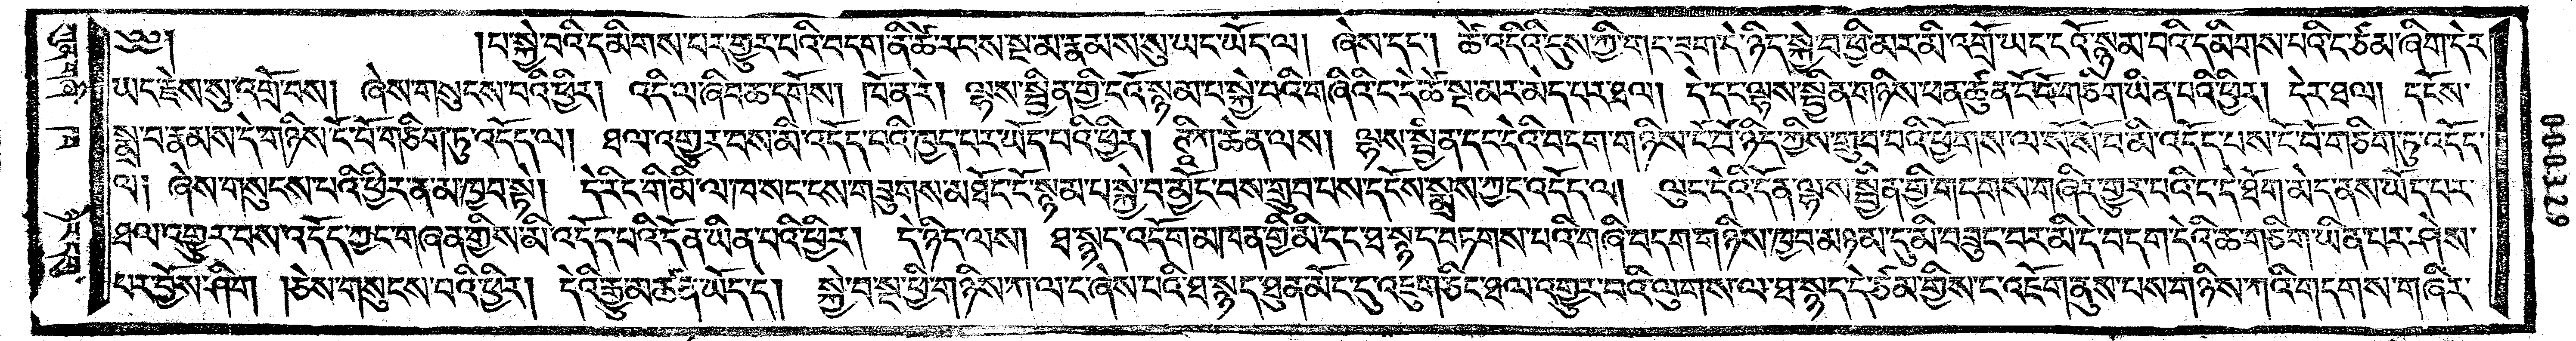༄༅། །པ་སྐྱེ་བའི་དམིགས་པར་གྱུར་པའི་བདག་ནི་ཚེ་རབས་སྔ་མ་རྣམས་སུ་ཡང་ཡོད་ལ། ཞེས་དང་། ཚེ་འདིའི་དུས་ཀྱི་གང་ཟག་དེ་ཉིད་སྐྱེ་བ་ཕྱི་མར་མི་འགྲོ་ཡང་ངའོ་སྙམ་པའི་དམིགས་པའི་ང་ཙམ་ཞིག་དེར་
ཡང་རྗེས་སུ་འགྲོ་བས། ཞེས་གསུངས་པའི་ཕྱིར། འདི་ལ་ཞིབ་ཆ་དགོས། ཁོ་ན་རེ། ལྷས་སྦྱིན་གྱི་ངའོ་སྙམ་པ་སྐྱེ་བའི་གཞིའི་ང་དེ་ཚེ་སྔ་མར་མེད་པར་ཐལ། དེ་དང་ལྷས་སྦྱིན་གཉིས་ཕན་ཚུན་ངོ་བོ་གཅིག་ཡིན་པའི་ཕྱིར། དེར་ཐལ། དངོས་
སྨྲ་བ་རྣམས་དེ་གཉིས་ངོ་བོ་གཅིག་ཏུ་འདོད་ལ། ཐལ་འགྱུར་བས་མི་འདོད་པའི་ཁྱད་པར་ཡོད་པའི་ཕྱིར། ཊཱིཀ་ཆེན་ལས། ལྷས་སྦྱིན་དང་དེའི་བདག་གཉིས་ངོ་བོ་ཉིད་ཀྱིས་གྲུབ་བའི་ཕྱོགས་ལ་སོ་སོ་བ་མི་འདོད་པས་ངོ་བོ་གཅིག་ཏུ་འདོད་
ལ༑ ཞེས་གསུངས་པའི་ཕྱིར་ན་མ་ཁྱབ་སྟེ། དེ་རིང་གི་མི་ལ་ཁ་སང་ངས་གཟུགས་མཐོང་ངོ་སྙམ་པ་སྐྱེ་བ་མྱོང་བས་གྲུབ་པས་དངོས་སྨྲས་ཀྱང་འདོད་ལ། ལུང་དེའི་དོན་ལྷས་སྦྱིན་གྱི་གདགས་གཞིར་གྱུར་པའི་བདེ་ཐོག་མེད་ནས་ཡོད་པར་
ཐལ་འགྱུར་བས་འདོད་ཀྱང་གཞན་གྱིས་མི་འདོད་པའི་དོན་ཡིན་པའི་ཕྱིར། དེ་ཉིད་ལས། ཐ་སྙད་འདོག་མཁན་གྱི་མི་དང་ཐ་སྙད་བཏགས་པའི་གཞི་བདག་གཉིས་ཁྱབ་མཉམ་དུ་མི་བཟུང་བར་མི་དེ་བདག་དེའི་ཆ་གཅིག་ཡིན་པར་ཤེས་
པར་བྱོས་ཤིག །ཅེས་གསུངས་པའི་ཕྱིར། དེའི་རྒྱུ་མཚན་ཡོད་དེ། སྐྱེ་བ་སྔ་ཕྱི་གཉིས་ཀ་ལ་ང་ཞེས་པའི་ཐ་སྙད་ཐུན་མོང་དུ་འཇུག་ཅིང་ཐལ་འགྱུར་བའི་ལུགས་ལ་ཐ་སྙད་དེ་ཙམ་གྱིས་ང་འཇོག་ནུས་པས་གཉིས་ཀའི་གདགས་གཞིར་